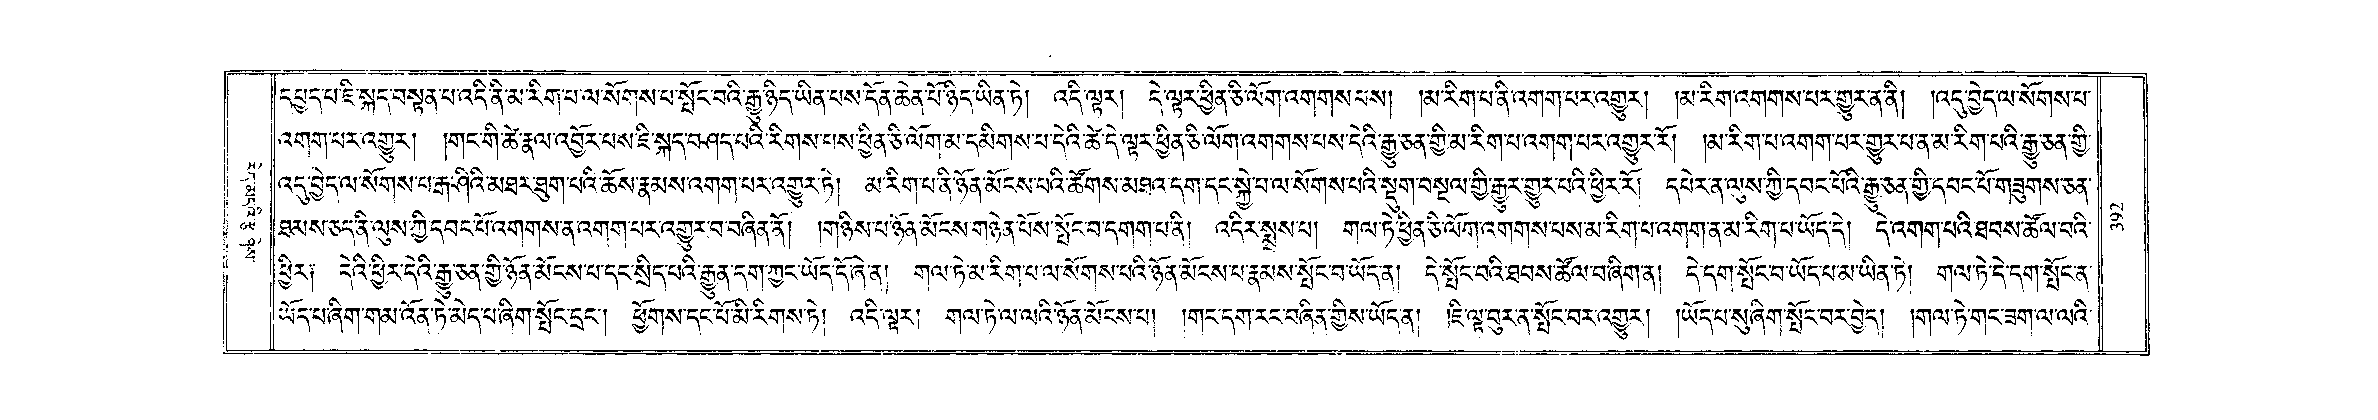དཔྱད་པ་ཇི་སྐད་བསྟན་པ་འདི་ནི་མ་རིག་པ་ལ་སོགས་པ་སྤོང་བའི་རྒྱུ་ཉིད་ཡིན་པས་དོན་ཆེན་པོ་ཉིད་ཡིན་ཏེ། འདི་ལྟར། དེ་ལྟར་ཕྱིན་ཅི་ལོག་འགགས་པས། །མ་རིག་པ་ནི་འགག་པར་འགྱུར། །མ་རིག་འགགས་པར་གྱུར་ན་ནི། །འདུ་བྱེད་ལ་སོགས་པ་
འགག་པར་འགྱུར། །གང་གི་ཚེ་རྣལ་འབྱོར་པས་ཇི་སྐད་བཤད་པའི་རིགས་པས་ཕྱིན་ཅི་ལོག་མ་དམིགས་པ་དེའི་ཚེ་དེ་ལྟར་ཕྱིན་ཅི་ལོག་འགགས་པས་དེའི་རྒྱུ་ཅན་གྱི་མ་རིག་པ་འགག་པར་འགྱུར་རོ། །མ་རིག་པ་འགག་པར་གྱུར་པ་ན་མ་རིག་པའི་རྒྱུ་ཅན་གྱི་
འདུ་བྱེད་ལ་སོགས་པ་རྒ་ཤིའི་མཐར་ཐུག་པའི་ཆོས་རྣམས་འགག་པར་འགྱུར་ཏེ། མ་རིག་པ་ནི་ཉོན་མོངས་པའི་ཚོགས་མཐའ་དག་དང་སྐྱེ་བ་ལ་སོགས་པའི་སྡུག་བསྔལ་གྱི་རྒྱུར་གྱུར་པའི་ཕྱིར་རོ། དཔེར་ན་ལུས་ཀྱི་དབང་པོའི་རྒྱུ་ཅན་གྱི་དབང་པོ་གཟུགས་ཅན་
ཐམས་ཅད་ནི་ལུས་ཀྱི་དབང་པོ་འགགས་ན་འགག་པར་འགྱུར་བ་བཞིན་ནོ། །གཉིས་པ་ཉོན་མོངས་གཉེན་པོས་སྤོང་བ་དགག་པ་ནི། འདིར་སྨྲས་པ། གལ་ཏེ་ཕྱིན་ཅི་ལོག་འགགས་པས་མ་རིག་པ་འགག་ན་མ་རིག་པ་ཡོད་དེ། དེ་འགག་པའི་ཐབས་ཚོལ་བའི་
ཕྱིར༑ དེའི་ཕྱིར་དེའི་རྒྱུ་ཅན་གྱི་ཉོན་མོངས་པ་དང་སྲིད་པའི་རྒྱུན་དག་ཀྱང་ཡོད་དོ་ཞེ་ན། གལ་ཏེ་མ་རིག་པ་ལ་སོགས་པའི་ཉོན་མོངས་པ་རྣམས་སྤོང་བ་ཡོད་ན། དེ་སྤོང་བའི་ཐབས་ཚོལ་བ་ཞིག་ན། དེ་དག་སྤོང་བ་ཡོད་པ་མ་ཡིན་ཏེ། གལ་ཏེ་དེ་དག་སྤོང་ན་
ཡོད་པ་ཞིག་གམ་འོན་ཏེ་མེད་པ་ཞིག་སྤོང་དྲང་། ཕྱོགས་དང་པོ་མི་རིགས་ཏེ། འདི་ལྟར། གལ་ཏེ་ལ་ལའི་ཉོན་མོངས་པ། །གང་དག་རང་བཞིན་གྱིས་ཡོད་ན། །ཇི་ལྟ་བུར་ན་སྤོང་བར་འགྱུར། །ཡོད་པ་སུ་ཞིག་སྤོང་བར་བྱེད། །གལ་ཏེ་གང་ཟག་ལ་ལའི་